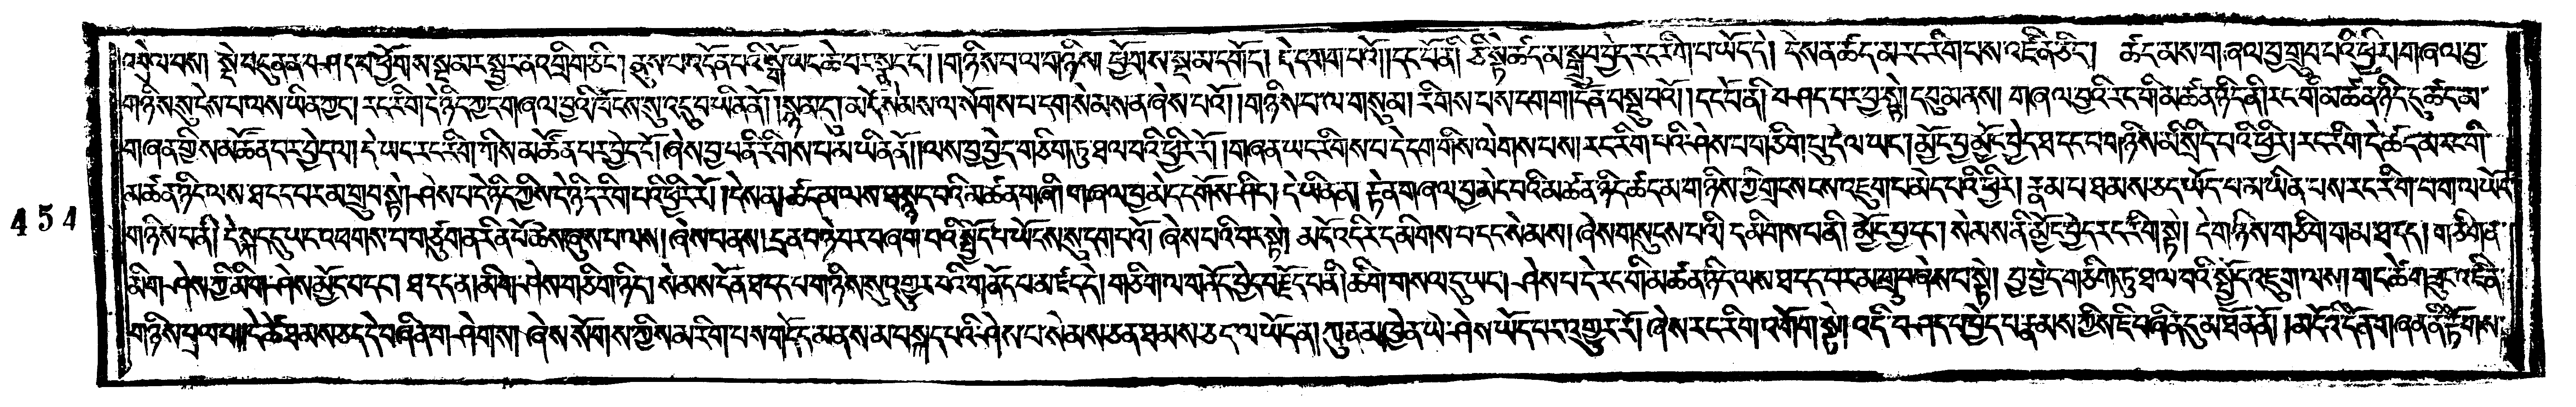འབྲེལ་བས། སྡེ་བདུན་ན་བཤད་པ་ཕྱོགས་སྔ་མར་སྦྱར་ན་འགྲིག་ཅིང་། ནུས་པ་འདོན་པའི་སྒོ་ཡང་ཆེ་བར་སྣང་ངོ། །གཉིས་པ་ལ་གཉིས། ཕྱོགས་སྔ་མ་དགོད། དེ་དགག་པའོ། །དང་པོ་ནི། ཅི་སྟེ་ཚད་མ་སྒྲུབ་བྱེད་རང་རིག་པ་ཡོད་དེ། དེས་ན་ཚད་མ་རང་རིག་པས་འཛིན་ཅིང་། ཚད་མས་གཞལ་བྱ་གྲུབ་པའི་ཕྱིར། གཞལ་བྱ་
གཉིས་སུ་ངེས་པ་ལས་ཡིན་ཀྱང་། རང་རིག་དེ་ཉིད་ཀྱང་གཞལ་བྱའི་ཁོངས་སུ་འདུ་བ་ཡིན་ནོ། །སྙམ་དུ། མདོ་སེམས་ལ་སོགས་པ་དག་སེམས་མ་ཞེས་པའོ། །གཉིས་པ་ལ་གསུམ། རིགས་པས་དགག །དོན་བསྡུ་བའོ། །དང་པོ་ནི། བཤད་པར་བྱ་སྟེ། དབུ་མ་ནས། གཞལ་བྱའི་རང་གི་མཚན་ཉིད་ནི། རང་གི་མཚན་ཉིད་དུ་ཚད་མ་
གཞན་གྱིས་མཚོན་པར་བྱེད་ལ། དེ་ཡང་རང་རིག་གིས་མཚོན་པར་བྱེད་དོ། ཞེས་བྱ་བ་ནི་རིགས་པ་མ་ཡིན་ནོ། །ལས་བྱ་བྱེད་གཅིག་ཏུ་ཐལ་བའི་ཕྱིར་རོ། །གཞན་ཡང་རིགས་པ་དེ་དག་གིས་ལེགས་པས། རང་རིག་པའི་ཤེས་པ་གཅིག་པུ་དེ་ལ་ཡང་། མྱོང་བྱ་མྱོང་བྱེད་ཐ་དད་པ་གཉིས་མི་སྲིད་པའི་ཕྱིར། རང་རིག་དེ་ཚད་མ་རང་གི་
མཚན་ཉིད་ལས་ཐ་དད་པར་མ་གྲུབ་སྟེ། ཤེས་པ་དེ་ཉིད་ཀྱིས་དེ་ཉིད་རིག་པའི་ཕྱིར་རོ། །དེས་ན། ཚད་མ་ལས་ཐ་སྙད་པའི་མཚན་གཞི། གཞལ་བྱ་མེད་དགོས་ཤིང་། དེ་ཡིན་ན། རྟེན་གཞལ་བྱ་མེད་པའི་མཚན་ཉིད་ཚད་མ་གཉིས་ཀྱི་གྲངས་ངས་འཇུག་པ་མེད་པའི་ཕྱིར། རྣམ་པ་ཐམས་ཅད་ཡོད་པ་མ་ཡིན་པས་རང་རིག་པ་ག་ལ་ཡོད་
གཉིས་པ་ནི། དེ་སྐད་དུ་ཡང་འཕགས་པ་གཙུག་ན་རིན་པོ་ཆེས་ཞུས་པ་ལས། ཞེས་པ་ནས། དྲན་པ་ཉེ་བར་བཞག་པའི་སྤྱོད་པ་ཡོངས་སུ་དག་པའོ། ཞེས་པའི་བར་སྟེ། མདོ་འདིར་དམིགས་པ་དང་སེམས། ཞེས་གསུངས་པའི། དམིགས་པ་ནི། མྱོང་བྱ་དང་། སེམས་ནི་མྱོང་བྱེད་རང་རིག་སྟེ། དེ་གཉིས་གཅིག་གམ་ཐ་དད། གཅིག་ན་
མིག་ཤེས་ཀྱི་མིག་ཤེས་མྱོང་བ་དང་། ཐ་དད་ན། མིག་ཤེས་གཅིག་ཉིད། སེམས་དོན་ཐ་དད་པ་གཉིས་སུ་འགྱུར་བའི་གནོད་པ་མཛད་དེ། གཅིག་ལ་གནོད་བྱེད་བརྗོད་པ་ནི། ཚིག་གསལ་དུ་ཡང་། ཤེས་པ་དེ་རང་གི་མཚན་ཉིད་ལས་ཐ་དད་པར་མ་གྲུབ་ཞེས་པ་སྟེ། བྱ་བྱེད་གཅིག་ཏུ་ཐལ་བའི་སྤྱོད་འཇུག་ལས། གང་ཚེ་གཟུང་འཛིན་
གཉིས་བྲལ་བ། །དེ་ཚེ་ཐམས་ཅད་དེ་བཞིན་གཤེགས། ཞེས་སོགས་ཀྱིས་མ་རིག་པས་གདོད་མནས་མ་བསླད་པའི་ཤེས་པ་སེམས་ཅན་ཐམས་ཅད་ལ་ཡོད་ན། ཀུན་མཁྱེན་ཡེ་ཤེས་ཡོད་པར་འགྱུར་རོ། ཞེས་རང་རིག་འགོག་སྟེ། འདི་བཤད་པ་བྱེད་པ་རྣམས་ཀྱིས་ཇི་བཞིན་དུ་མཐོན་ནོ། །མདོའི་དོན་གཞན་ནི་རྟོགས་